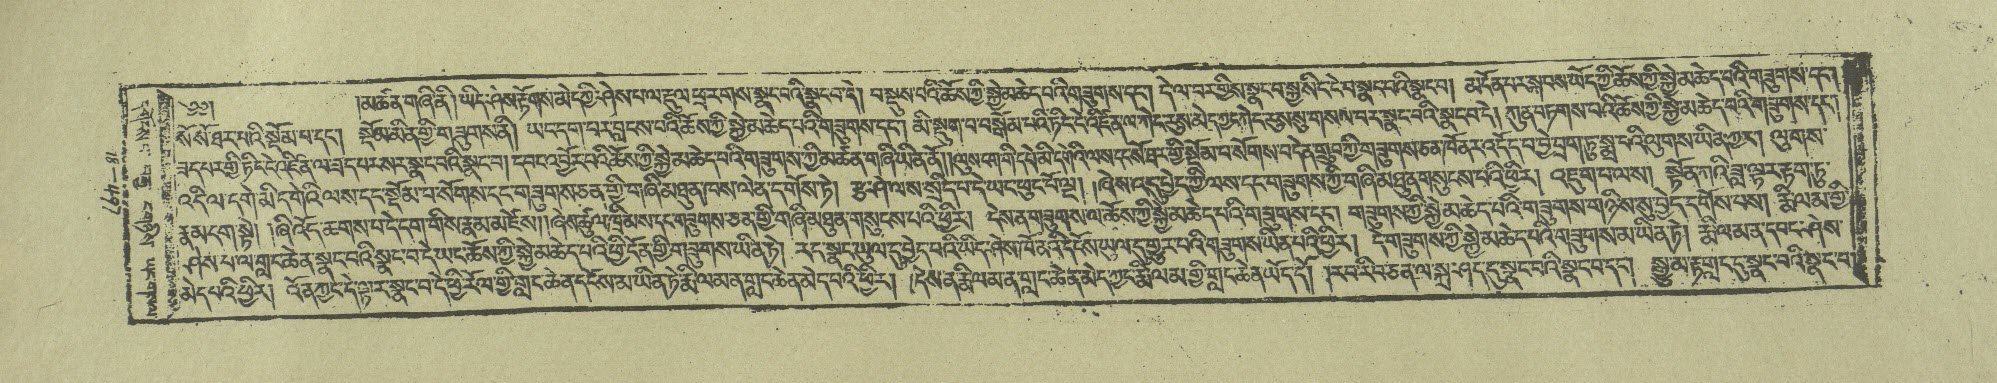༄༅། །མཚན་གཞི་ནི། ཡིད་ཤེས་རྟོགས་མེད་ཀྱི་ཤེས་པ་ལ་རྡུལ་ཕྲ་རགས་སྣང་བའི་སྣང་བ་དེ། བསྡུས་པའི་ཆོས་ཀྱི་སྐྱེ་མཆེད་པའི་གཟུགས་དང་། དེ་ལ་བར་གྱིས་སྣང་བ་སྐྱ་སིང་ངེ་བ་སྣང་བའི་སྣང་བ། མངོན་པར་སྐབས་ཡོད་ཀྱི་ཆོས་ཀྱི་སྐྱེ་མཆེད་པའི་གཟུགས་དང་།
སོ་སོ་ཐར་བའི་སྡོམ་པ་དང་། སྡོམ་མིན་གྱི་གཟུགས་ནི། ཡང་དག་པར་བླངས་པའི་ཆོས་ཀྱི་སྐྱེ་མཆེད་པའི་གཟུགས་དང་། མི་སྡུག་པ་བསྒོམ་པའི་ཏིང་ངེ་འཛིན་ལ་ཀེང་རུས་མེད་ཀྱང་ཀེང་རུས་སུ་གསལ་བར་སྣང་བའི་སྣང་བ་དེ། ཀུན་བཏགས་པའི་ཆོས་ཀྱི་སྐྱེ་མཆེད་པའི་གཟུགས་དང་།
ཟད་པར་གྱི་ཏིང་ངེ་འཛིན་ལ་ཟད་པར་སར་སྣང་བའི་སྣང་བ། དབང་འབྱོར་པའི་ཆོས་ཀྱི་སྐྱེ་མཆེད་པའི་གཟུགས་ཀྱི་མཚན་གཞི་ཡིན་ནོ། །ལུས་ངག་གི་དགེ་མི་དགེའི་ལས་དང་སོ་ཐར་གྱི་སྡོམ་པ་སོགས་བདེན་གྲུབ་ཀྱི་གཟུགས་ཅན་ཁོ་ནར་འདོད་པ་བྱེ་བྲག་ཏུ་སྨྲ་བའི་ལུགས་ཡིན་ཀྱང་། ལུགས་
འདི་ལ་དགེ་མི་དགེའི་ལས་དང་སྡོམ་པ་སོགས་དང་གཟུགས་ཅན་གྱི་གཞི་མཐུན་ཁས་ལེན་དགོས་ཏེ། རྩ་ཤེ་ལས་སྲིད་པ་དེ་ཡང་ཕུང་པོ་ལྔ། །ཞེས་འདུ་བྱེད་ཀྱི་ལས་དང་གཟུགས་ཀྱི་གཞི་མཐུན་གསུངས་པའི་ཕྱིར། འཇུག་པ་ལས། སྟོན་ཀའི་ཟླ་ལྟར་རྟག་ཏུ་
རྣམ་དག་སྟེ། །ཞི་འོད་ཆགས་པ་དེ་དག་གིས་རྣམ་མཛེས། །ཞེས་ཚུལ་ཁྲིམས་དང་གཟུགས་ཅན་གྱི་གཞི་མཐུན་གསུངས་པའི་ཕྱིར། དེས་ན་གཟུགས་ལ་ཆོས་ཀྱི་སྐྱེ་མཆེད་པའི་གཟུགས་དང་། གཟུགས་ཀྱི་སྐྱེ་མཆེད་པའི་གཟུགས་གཉིས་སུ་བྱེད་དགོས་པས། རྨི་ལམ་གྱི་
ཤེས་པ་ལ་གླང་ཆེན་སྣང་བའི་སྣང་བ་དེ་ཡང་ཆོས་ཀྱི་སྐྱེ་མཆེད་པའི་ཕྱི་དོན་གྱི་གཟུགས་ཡིན་ཏེ། རང་སྣང་ཡུལ་དུ་བྱེད་པའི་ཡིད་ཤེས་ཁོ་ནའི་དངོས་ཡུལ་དུ་གྱུར་པའི་གཟུགས་ཡིན་པའི་ཕྱིར། དེ་གཟུགས་ཀྱི་སྐྱེ་མཆེད་པའི་གཟུགས་མ་ཡིན་ཏེ། རྨི་ལམ་ན་དབང་ཤེས་
མེད་པའི་ཕྱིར། འོ་ན་ཀྱང་དེ་ལྟར་སྣང་བ་དེ་ཕྱི་རོལ་གྱི་གླང་ཆེན་དངོས་མ་ཡིན་ཏེ་རྨི་ལམ་ན་གླང་ཆེན་མེད་པའི་ཕྱིར། དེས་ན་རྨི་ལམ་ན་གླང་ཆེན་མེད་ཀྱང་རྨི་ལམ་གྱི་གླང་ཆེན་ཡོད་དེ། རབ་རིབ་ཅན་ལ་སྐྲ་ཤད་དུ་སྣང་བའི་སྣང་བ་དང་། སྒྱུ་མ་རྟ་གླང་དུ་སྣང་བའི་སྣང་བ་